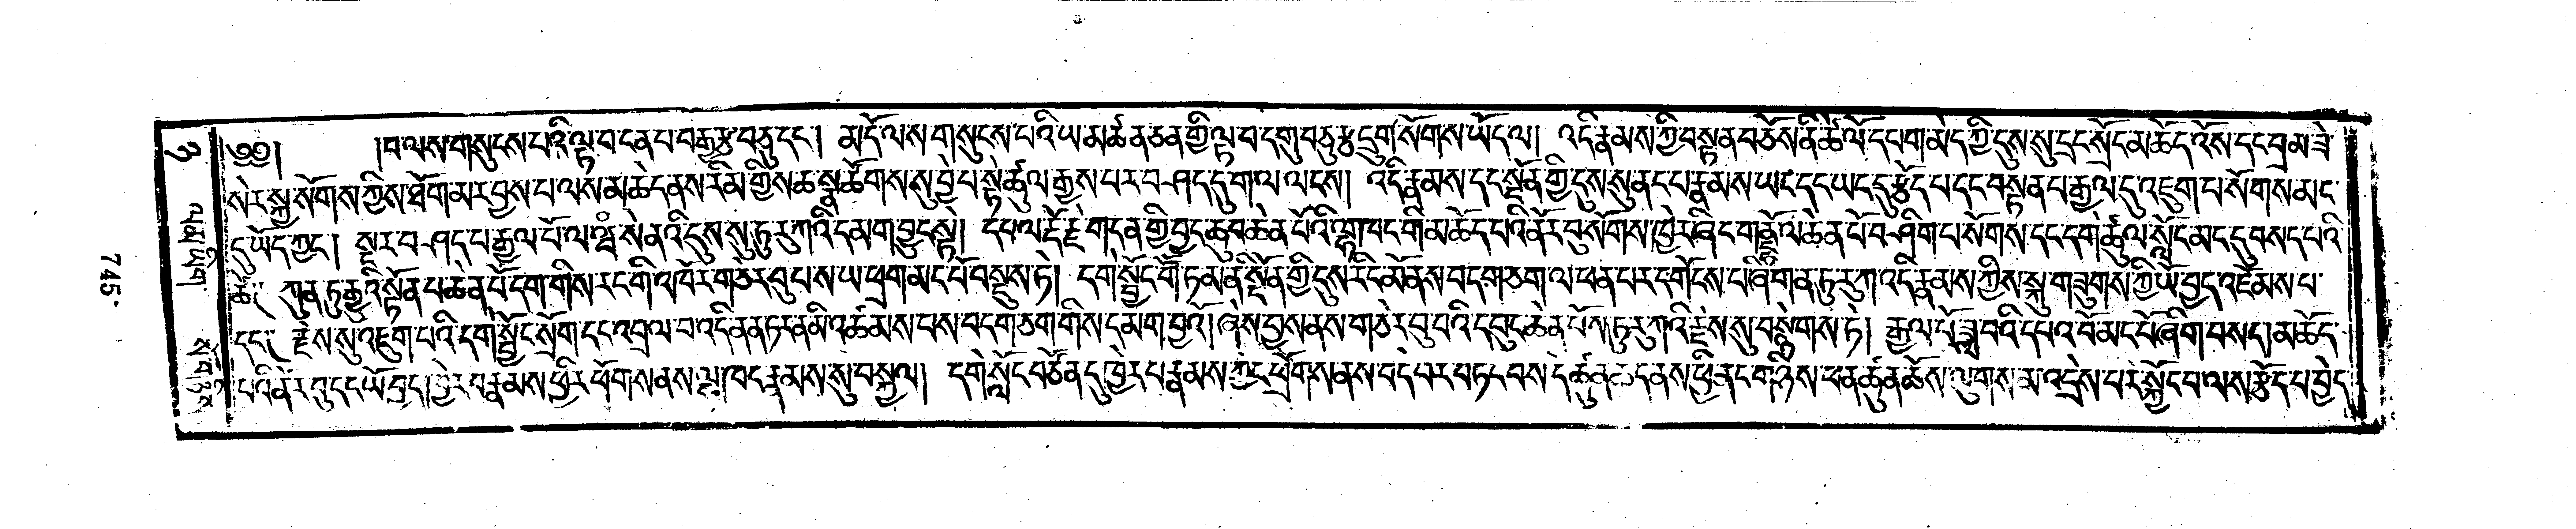༄༅། །བ་ལས་གསུངས་པའི་ལྟ་བ་ངན་པ་བརྒྱ་རྩ་བཅུ་དང་། མདོ་ལས་གསུངས་པའི་ཡ་མཚན་ཅན་གྱི་ལྟ་བ་དགུ་བཅུ་རྩ་དྲུག་སོགས་ཡོད་ལ། འདི་རྣམས་ཀྱི་བསྟན་བཅོས་ནི་ཚེ་ལོ་དཔག་མེད་ཀྱི་དུས་སུ་དྲང་སྲོང་མཆོད་འོས་དང་བྲམ་ཟེ་
སེར་སྐྱ་སོགས་ཀྱིས་ཐོག་མར་བྱས་པ་ལས་མཆེད་ནས་རིམ་གྱིས་ཆ་སྣ་ཚོགས་སུ་བྱེ་པ་སྟེ་ཚུལ་རྒྱས་པར་བཤད་དུ་གལ་ལངས། འདི་རྣམས་དང་སྔོན་གྱི་དུས་སུ་ནང་པ་རྣམས་ཡང་དང་ཡང་དུ་རྩོད་པ་དང་བསྟན་པ་རྒྱལ་དུ་འཇུག་པ་སོགས་མང་
དུ་ཡོད་ཀྱང་། སྔར་བཤད་པ་རྒྱལ་པོ་ལ་ཝཾ་སེནའི་དུས་སུ་ཏུ་རུ་ཀའི་དམག་བྱུང་སྟེ། དཔལ་རྡོ་རྗེ་གདན་གྱི་བྱང་ཆུབ་ཆེན་པོའི་ལྷ་ཁང་གི་མཆོད་པའི་ནོར་བུ་སོགས་ཁྱེར་ཞིང་གནྡྷོ་ལ་ཆེན་པོ་བཤིག་པ་སོགས་དང་དགེ་ཚུལ་སློང་མང་དུ་བསད་པའི་
ཚེ༑ ཀུན་ཏུ་རྒྱུའི་སྟོན་པ་ཆེན་པོ་དག་གིས་རང་གི་འཁོར་གཅེར་བུ་པ་ས་ཡ་ཕྲག་མང་པོ་བསྡུས་ཏེ། དགེ་སྦྱོང་གཽ་ཏམ་ནི་སྔོན་གྱི་དུས་རིང་མོ་ནས་བདག་ཅག་ལ་ཕན་པར་དགོངས་པ་ཞིག་ན་ཏུ་རུ་ཀ་འདི་རྣམས་ཀྱིས་སྐུ་གཟུགས་ཀྱི་ཡོ་བྱད་འཇོམས་པ་
དང༑ རྗེས་སུ་འཇུག་པའི་དག་སྦྱོང་སྲོག་དང་འབྲལ་བ་འདི་ནན་ཏར་ན་མི་འཚམས་པས་བདག་ཅག་གིས་དམག་བྱའོ། ཞེས་བྱས་ནས་གཅེར་བུ་བའི་དབུང་ཆེན་པོས་ཏུ་རུ་ཀའི་རྗེས་སུ་བསྙེགས་ཏེ། རྒྱལ་པོ་ཟླ་བའི་དཔའ་བོ་མང་པོ་ཞིག་བསད། མཆོད་
པའི་ནོར་བུ་དང་ཡོ་བྱད་ཁྱེར་བ་རྣམས་ཕྱིར་ཕོགས་ནས་ལྷ་ཁང་རྣམས་སུ་བསྐྱལ། དགེ་སློང་བརྩོན་དུ་ཁྱེར་པ་རྣམས་ཀྱང་ཕྲོགས་ནས་བདེ་བར་བཏང་བས་དེ་ཚུན་ཆད་ནས་ཕྱི་ནང་གཉིས་ཕན་ཚུན་ཆོས་ལུགས་མ་འདྲེས་པར་སྐྱོང་བ་ལས་རྩོད་པ་བྱེད་